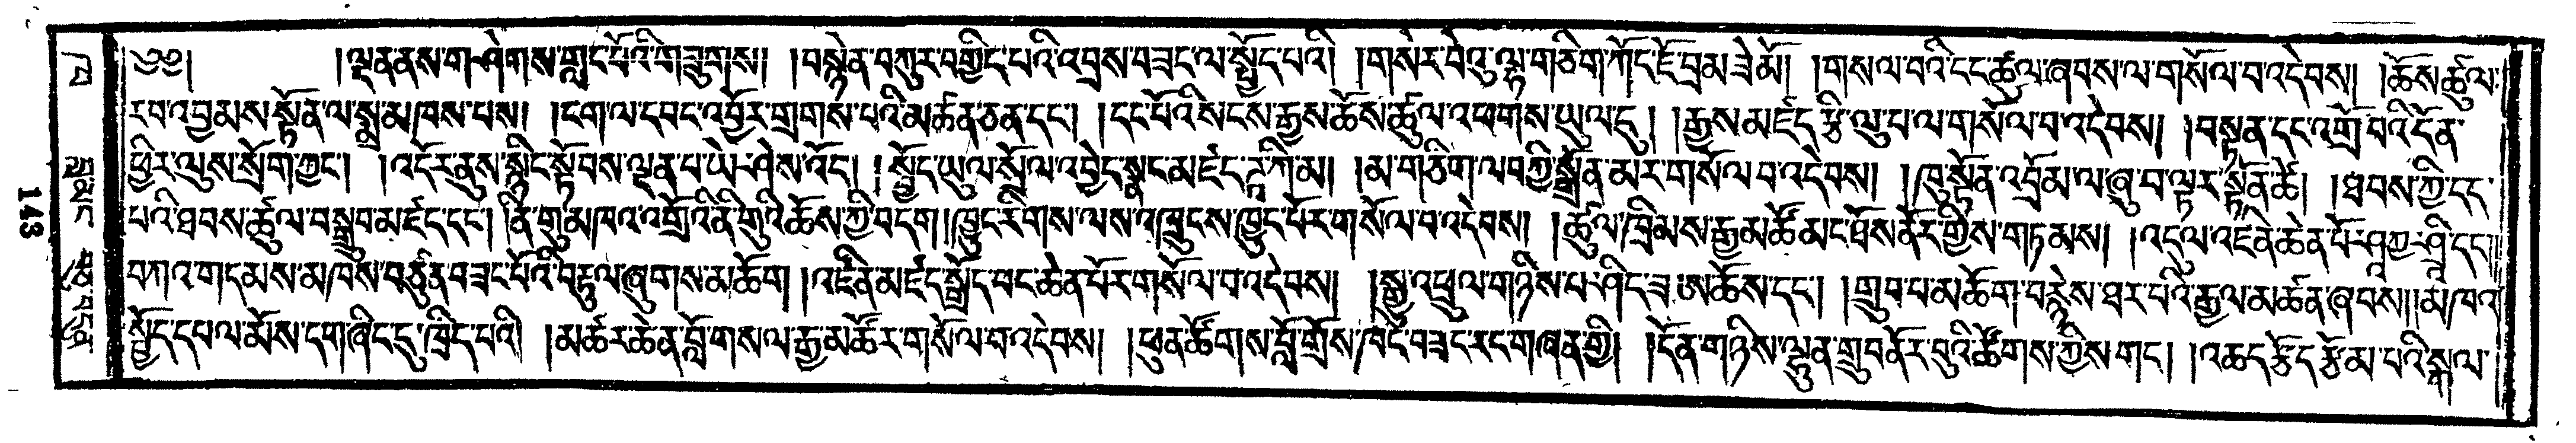༄༅། །ལྡན་ནས་གཤེགས་གླང་པོའི་གཟུགས། །བསྙེན་བཀུར་བགྱིད་པའི་འབྲས་བཟང་ལ་སྤྱོད་པའི། །གསེར་བེའུ་ལྷ་གཅིག་ཀོང་ཇོ་བྲམ་ཟེ་མོ། །གསལ་བའི་ངང་ཚུལ་ཞབས་ལ་གསོལ་བ་འདེབས། །ཆོས་ཚུལ་
རབ་འབྱམས་སྟོན་ལ་སྨྲ་མཁས་པས། །ངག་ལ་དབང་འབྱོར་གྲགས་པའི་མཚན་ཅན་དང་། །དང་པོའི་སངས་རྒྱས་ཆོས་ཚུལ་འཕགས་ཡུལ་དུ། །རྒྱས་མཛད་རྩི་ལུ་པ་ལ་གསོལ་བ་འདེབས། །བསྟན་དང་འགྲོ་བའི་དོན་
ཕྱིར་ལུས་སྲོག་ཀྱང་། །འདོར་ནུས་སྙིང་སྟོབས་ལྡན་པ་ཡེ་ཤེས་འོད། །སྦྱོད་ཡུལ་སྲོལ་འབྱེད་སྣང་མཛད་ཌཱ་ཀི་མ། །མ་གཅིག་ལབ་ཀྱི་སྒྲོན་མར་གསོལ་བ་འདེབས། །ཁུ་སྟོན་འབྲོམ་ལ་ཞུ་བལྟར་སྟོན་ཚེ། །ཐབས་ཀྱི་དད་
པའི་ཐབས་ཚུལ་བསྒྲུབ་མཛད་དང་། །ནི་གུ་མཁའ་འགྲོའི་ནི་གུའི་ཆོས་ཀྱི་བདག །ཁྱུང་རིགས་ལས་འཁྲུངས་ཁྱུང་པོར་གསོལ་བ་འདེབས། །ཚུལ་ཁྲིམས་རྒྱ་མཚོ་མང་ཐོས་ནོར་གྱིས་གཏམས། །འདུལ་འཛིན་ཆེན་པོ་ཤཱཀྱ་ཤྲཱི་དང།།
བཀའ་གདམས་མཁས་བཙུན་བཟང་པོའི་བརྟུལ་ཞུགས་མཆོག །འཛིན་མཛད་སྒྲོད་བང་ཆེན་པོར་གསོལ་བ་འདེབས། །སྒྱུ་འཕྲུལ་གཉིས་པ་ཤིང་ཟ་ཨ་ཆོས་དང་། །གྲུབ་པ་མཆོག་བརྙེས་ཐར་པའི་རྒྱལ་མཚན་ཞབས། །མཁའ་
སྦྱོད་དཔལ་མོས་དག་ཞིང་དུ་ཁྲིད་པའི། །མཚར་ཆེན་བློ་གསལ་རྒྱ་མཚོར་གསོལ་བ་འདེབས། །ཕུན་ཚོགས་བློ་གྲོས་ཁང་བཟང་རང་གཞན་གྱི། །དོན་གཉིས་ལྷུན་གྲུབ་ནོར་བུའི་ཚོགས་ཀྱིས་གང་། །འཆད་རྩོད་རྩོམ་པའི་སྒལ་